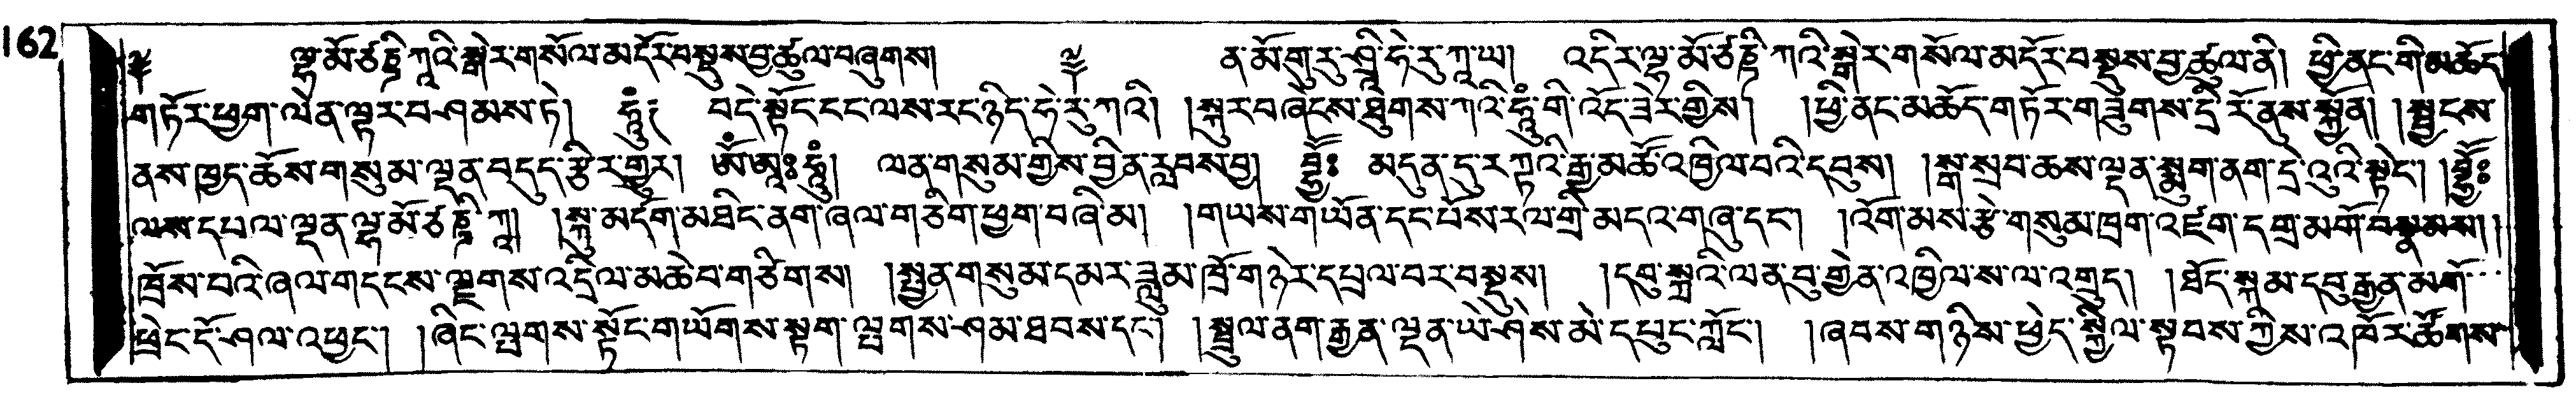༈ ལྷ་མོ་ཙཎྜི་ཀཱའི་སྒེར་གསོལ་མདོར་བསྡུས་བྱ་ཚུལ་བཞུགས། ༈ ན་མོ་གུ་རུ་ཤྲཱི་ཧེ་རུ་ཀཱ་ཡ། འདིར་ལྷ་མོ་ཙཎྜི་ཀའི་སྒེར་གསོལ་མདོར་བསྡུས་བྱ་ཚུལ་ནི། ཕྱི་ནང་གི་མཆོད་
གཏོར་ཕྱག་ལེན་ལྟར་བཤམས་ཏེ། ཧཱུཾ༑ བདེ་སྟོང་ངང་ལས་རང་ཉིད་ཧེ་རུ་ཀའི། །སྐུར་བཞེངས་ཐུགས་ཀའི་ཧཱུཾ་གི་འོད་ཟེར་གྱིས། །ཕྱི་ནང་མཆོད་གཏོར་གཟུགས་དྲི་རོ་ནུས་སྐྱོན། །སྦྱངས་
ནས་ཁྱད་ཆོས་གསུམ་ལྡན་བདུད་རྩིར་གྱུར། ཨོཾ་ཨཱཿ ཧཱུཾ། ལན་གསུམ་གྱིས་བྱིན་རླབས་བྱ། བྷྱཽཿ མདུན་དུ་རཀྟའི་རྒྱ་མཚོ་འཁྱིལ་བའི་དབུས། །སྒ་སྲབ་ཆས་ལྡན་སྨུག་ནག་དྲེ་འུའི་སྟེང་། །བྷྱཽཿ
ལས་དཔལ་ལྡན་ལྷ་མོ་ཙཎྜི་ཀཱ། །སྐུ་མདོག་མཐིང་ནག་ཞལ་གཅིག་ཕྱག་བཞི་མ། །གཡས་གཡོན་དང་པོས་རལ་གྲི་མདའ་གཞུ་དང་། །འོག་མས་རྩེ་གསུམ་ཁྲག་འཛག་དགྲ་མགོ་བསྣམས། །
ཁྲོས་པའི་ཞལ་གདངས་ལྗགས་འདྲིལ་མཆེ་བ་གཙིགས། །སྤྱན་གསུམ་དམར་ཟླུམ་ཁྲོ་གཉེར་དཔྲལ་བར་བསྡུས། །དབུ་སྐྲའི་ལན་བུ་གྱེན་འཁྱིལ་ས་ལ་འགྲུད། །ཐོད་སྐམ་དབུ་རྒྱན་མགོ་
ཕྲེང་དོ་ཤལ་འཕྱང་། །ཞིང་ལྤགས་སྟོང་གཡོགས་སྟག་ལྤགས་ཤམ་ཐབས་དང་། །སྤྲུལ་ནག་རྒྱན་ལྡན་ཡེ་ཤེས་མེ་དཔུང་ཀློང་། །ཞབས་གཉིས་ཕྱེད་སྐྱིལ་སྟབས་ཀྱིས་འཁོར་ཚོགས་